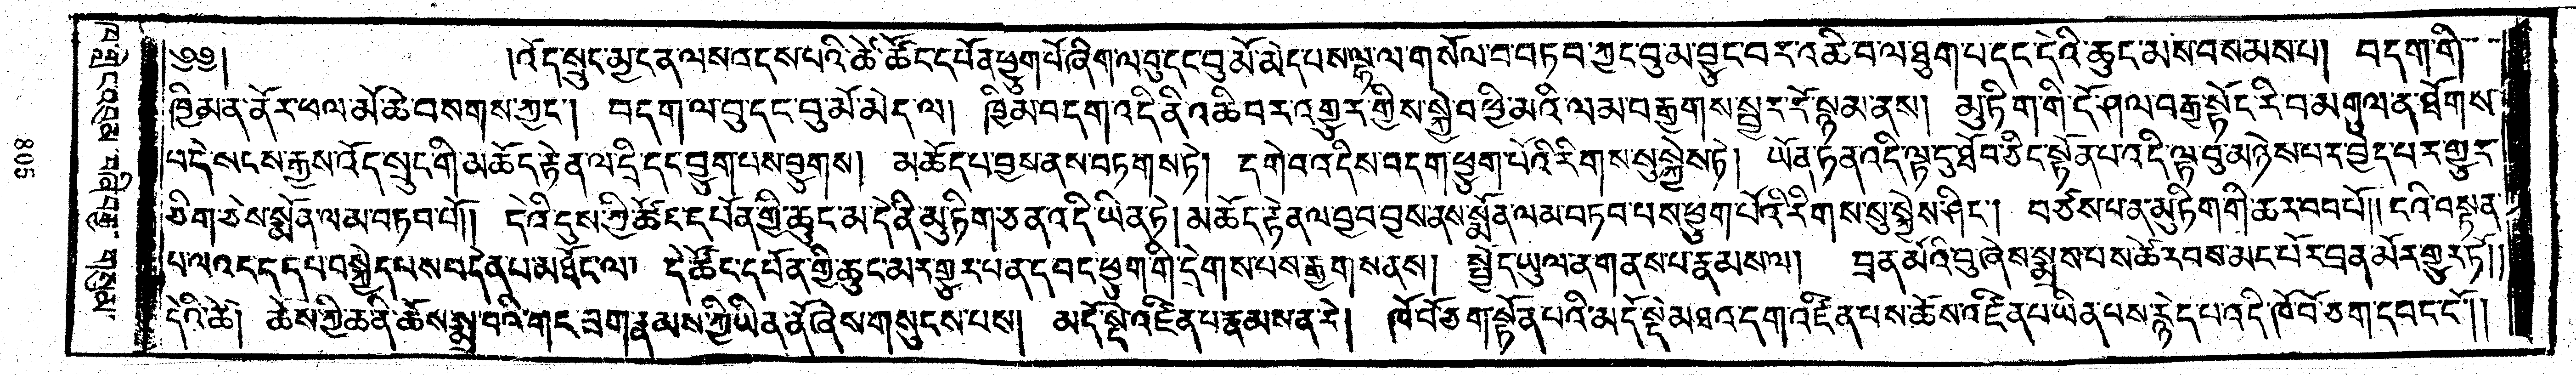༄༅། །འོད་སྲུང་མྱ་ངན་ལས་འདས་པའི་ཚེ་ཚོང་དཔོན་ཕྱུག་པོ་ཞིག་ལ་བུ་དང་བུ་མོ་མེད་པས་ལྷ་ལ་གསོལ་བ་བཏབ་ཀྱང་བུ་མ་བྱུང་བར་འཆི་བ་ལ་ཐུག་པ་དང་དེའི་ཆུང་མས་བསམས་པ། བདག་གི་
ཁྱིམ་ན་ནོར་ཕལ་མོ་ཆེ་བསགས་ཀྱང་། བདག་ལ་བུ་དང་བུ་མོ་མེད་ལ། ཁྱིམ་བདག་འདི་ནི་འཆི་བར་འགྱུར་གྱིས་སྐྱེ་བ་ཕྱི་མའི་ལམ་བརྒྱགས་སྦྱར་རོ་སྙམ་ནས། མུ་ཏིག་གི་དོ་ཤལ་བརྒྱ་སྟོང་རི་བ་མགུལ་ན་ཐོགས་
བདེ་སངས་རྒྱས་འོད་སྲུང་གི་མཆོད་རྟེན་ལ་དྲི་དང་བྱུག་པས་བྱུགས། མཆོད་པ་བྱས་ནས་བཏགས་ཏེ། དགེ་བ་འདིས་བདག་ཕྱུག་པོའི་རིགས་སུ་སྐྱེས་ཏེ། ཡོན་ཏན་འདི་ལྟ་དུ་ཐོབ་ཅིང་སྟོན་པ་འདི་ལྟ་བུ་མཉེས་པར་བྱེད་པར་གྱུར་
ཅིག་ཅེས་སྨོན་ལམ་བཏབ་པོ།། དེའི་དུས་ཀྱི་ཚོང་དཔོན་གྱི་ཆུང་མ་དེ་ནི་མུ་ཏིག་ཅན་འདི་ཡིན་ཏེ། མཆོད་རྟེན་ལ་བྱ་བ་བྱས་ནས་སྨོན་ལམ་བཏབ་པས་ཕྱུག་པོའི་རིགས་སུ་སྐྱེས་ཤིང་། བཙས་པ་ན་མུ་ཏིག་གི་ཆར་བབ་པོ།། ངའི་བསྟན་
པ་ལའང་དད་པ་བསྐྱེད་པས་བདེན་པ་མཐོང་ལ། དེ་ཚོང་དཔོན་གྱི་ཆུང་མར་གྱུར་པ་ན་དབང་ཕྱུག་གི་དྲེགས་པས་རྒྱགས་ནས། སྤྱོད་ཡུལ་ན་གནས་པ་རྣམས་ལ། བྲན་མོའི་བུ་ཞེས་སྨྲས་པས་ཚེར་བས་མང་པོར་བྲན་མོར་གྱུར་ཏོ།།
དེའི་ཚེ། ཆོས་ཀྱི་ཆ་ནི་ཆོས་སྨྲ་བའི་གང་ཟག་རྣམས་ཀྱི་ཡིན་ནོ་ཞེས་གསུངས་པས། མདོ་སྡེ་འཛིན་པ་རྣམས་ན་རེ། ཁོ་བོ་ཅག་སྟོན་པའི་མདོ་སྡེ་མཐའ་དག་འཛིན་པས་ཆོས་འཛིན་པ་ཡིན་པས་རྙེད་པ་འདི་ཁོ་བོ་ཅག་དབང་ངོ།།